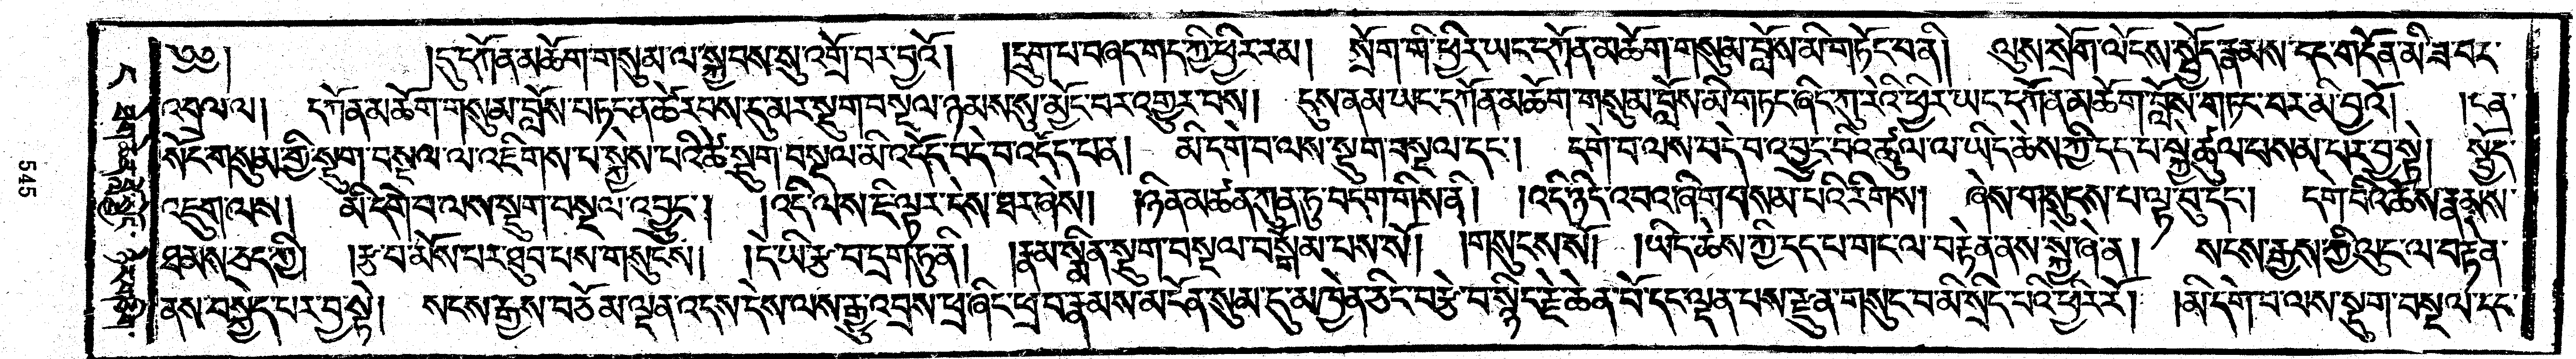༄༅། །དུ་དཀོན་མཆོག་གསུམ་ལ་སྐྱབས་སུ་འགྲོ་བར་བྱའོ། །དྲུག་པ་བཞད་གད་ཀྱི་ཕྱིར་རམ། སྲོག་གི་ཕྱིར་ཡང་དཀོན་མཆོག་གསུམ་བློས་མི་གཏོང་བ་ནི། ལུས་སྲོག་ལོངས་སྤྱོད་རྣམས་དང་གདོན་མི་ཟ་བར་
འབྲལ་ལ། དཀོན་མཆོག་གསུམ་བློས་བཏང་ན་ཚེ་རབས་དུ་མར་སྡུག་བསྔལ་ཉམས་སུ་མྱོང་བར་འགྱུར་བས། དུས་ནམ་ཡང་དཀོན་མཆོག་གསུམ་བློས་མི་གཏང་ཞིང་ཀུ་རེའི་ཕྱིར་ཡང་དཀོན་མཆོག་བློས་གཏང་བར་མི་བྱའོ། །ངན་
སོང་གསུམ་གྱི་སྡུག་བསྔལ་ལ་འཇིགས་པ་སྐྱེས་པའི་ཚེ་སྡུག་བསྔལ་མི་འདོད་བདེ་བ་འདོད་པ་ན། མི་དགེ་བ་ལས་སྡུག་བསྔལ་དང་། དགེ་བ་ལས་བདེ་བ་འབྱུང་བའི་ཚུལ་ལ་ཡིད་ཆེས་ཀྱི་དད་པ་སྐྱེ་ཚུལ་བསམ་པར་བྱ་སྟེ། སྤྱོད་
འཇུག་ལས། མི་དགེ་བ་ལས་སྡུག་བསྔལ་འབྱུང་། །འདི་ལས་ཇི་ལྟར་ངེས་ཐར་ཞེས། །ཉི་མཚན་ཀུན་ཏུ་བདག་གིས་ནི། །འདི་ཉིད་འབའ་ཞིག་བསམ་པའི་རིགས། ཞེས་གསུངས་པ་ལྟ་བུ་དང་། དགེ་བའི་ཆོས་རྣམས་
ཐམས་ཅད་ཀྱི། །རྩ་བ་མོས་པར་ཐུབ་པས་གསུངས། །དེ་ཡི་རྩ་བ་དྲག་ཏུ་ནི། །རྣམ་སྨིན་སྡུག་བསྔལ་བསྒོམ་པས་སོ། །གསུངས་སོ། །ཡིད་ཆེས་ཀྱི་དད་པ་གང་ལ་བརྟེན་ནས་སྐྱེ་ཞེ་ན། སངས་རྒྱས་ཀྱི་ལུང་ལ་བརྟེན་
ནས་བསྐྱེད་པར་བྱ་སྟེ། སངས་རྒྱས་བཅོམ་ལྡན་འདས་དེས་ལས་རྒྱུ་འབྲས་ཕྲ་ཞིང་ཕྲ་བ་རྣམས་མངོན་སུམ་དུ་མཁྱེན་ཅིང་བརྩེ་བ་སྙིང་རྗེ་ཆེན་པོ་དང་ལྡན་པས་རྫུན་གསུང་བ་མི་སྲིད་པའི་ཕྱིར་རོ། །མི་དགེ་བ་ལས་སྡུག་བསྔལ་དང་